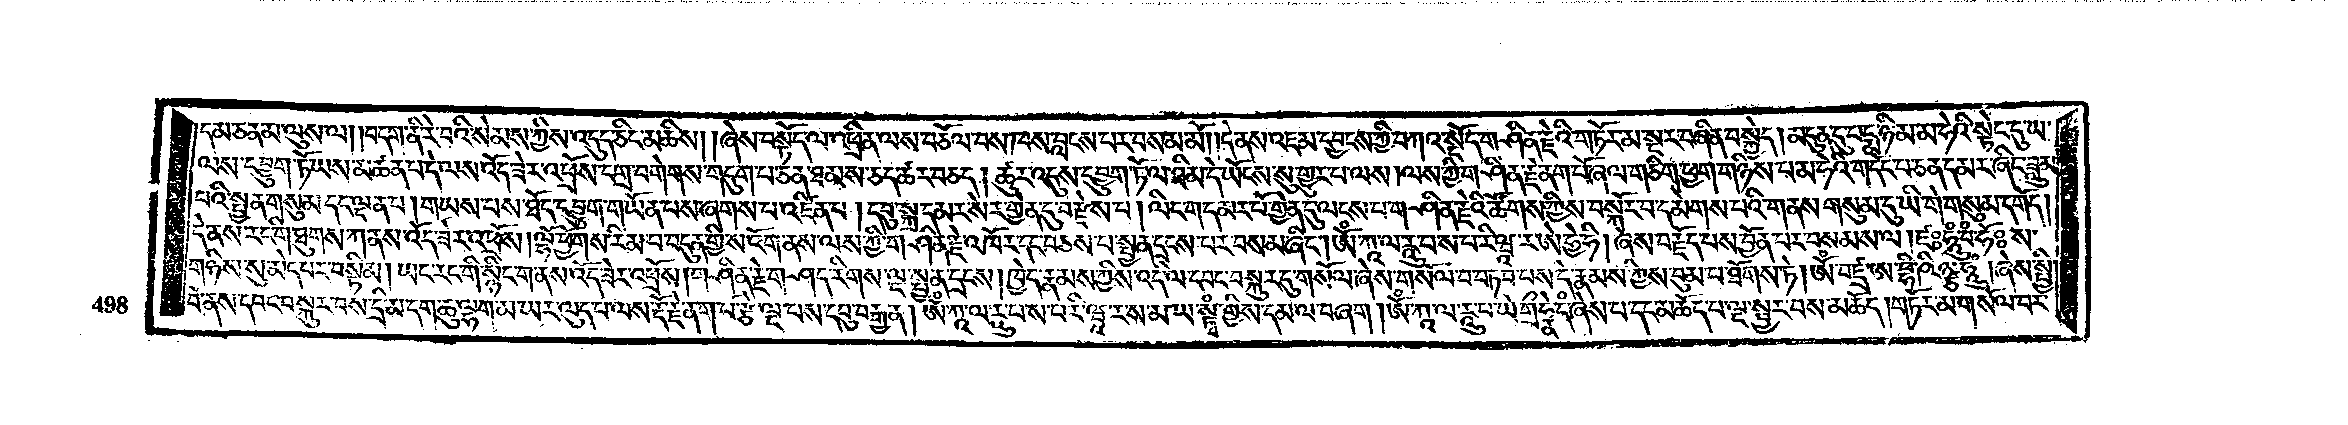དམ་ཅན་མ་ལུས་ལ། །བདག་ནི་རེ་བའི་སེམས་ཀྱིས་འདུད་ཅིང་མཆིས། །ཞེས་བསྟོད་ལ་འཕྲིན་ལས་བཅོལ་བས་ཁས་བླངས་པར་བསམ་མོ། །དེ་ནས་འཇམ་དབྱངས་ཀྱི་བཀའ་སྡོད་གཤིན་རྗེའི་གཏོར་མ་སྔར་བཞིན་བསྐྱེད། མདུན་དུ་པདམ་ཉི་མ་མ་ཧེའི་སྟེང་དུ་ཡ་
ལས་དབྱུག་ཏོ་ཡས་མཚན་པ་དེ་ལས་འོད་ཟེར་འཕྲོས་དགྲ་བགེགས་གདུག་པ་ཅན་ཐམས་ཅད་ཚར་བཅད། ཚུར་འདུས་དབྱུག་ཏོ་ལ་ཐིམ་དེ་ཡོངས་སུ་གྱུར་པ་ལས། ལས་ཀྱི་གཤིན་རྗེ་ནག་པོ་ཞལ་གཅིག་ཕྱག་གཉིས་པ་མ་ཧེའི་གདོང་པ་ཅན་དམར་ཞིང་ཟླུམ་
པའི་སྤྱན་གསུམ་དང་ལྡན་པ། གཡས་པས་ཐོད་དབྱུག་གཡོན་པས་ཞགས་པ་འཛིན་པ། དབུ་སྐྲ་དམར་སེར་གྱེན་དུ་བརྫེས་པ། ལིང་ག་དམར་པོ་གྱེན་དུ་ལངས་པ་གཤིན་རྗེའི་ཚོགས་ཀྱིས་བསྐོར་བ་དམིགས་པའི་གནས་གསུམ་དུ་ཡི་གེ་གསུམ་དགོད།
དེ་ནས་རང་གི་ཐུགས་ཀ་ནས་འོད་ཟེར་འཕྲོས། ལྷོ་ཕྱོགས་རིམ་པ་བདུན་གྱི་ས་འོག་ནས་ལས་ཀྱི་གཤིན་རྗེ་འཁོར་དང་བཅས་པ་སྤྱན་དྲངས་པར་བསམ་ཞིང་། ཨོཾ་ཀཱ་ལ་རཱུ་པ་ས་པ་རི་ཝཱ་ར་ཨེ་ཧྱེ་ཧི། ཞེས་བརྗོད་པས་བྱེན་པར་བསམས་ལ། ཛཿ ཧཱུཾ་བཾ་ཧོཿ ས་
གཉིས་སུ་མེད་པར་བསྟིམ། ཡང་རང་གི་སྙིང་གནས་འོད་ཟེར་འཕྲོས། གཤིན་རྗེ་གཤད་རིགས་ལྔ་སྤྱན་དྲངས། ཁྱེད་རྣམས་ཀྱིས་འདི་ལ་དབང་བསྐུར་དུ་གསོལ་ཞེས་གསོལ་བ་བཏབ་པས་དེ་རྣམས་ཀྱིས་བུམ་པ་ཐོགས་ཏེ། ཨོཾ་བཛྲ་ཨ་བྷི་ཥིཉྩ་ཧཱུཾ། ཞེས་སྤྱི་
བོ་ནས་དབང་བསྐུར་བས་དྲི་མ་དག་ཆུ་ལྷག་མ་ཡར་ལུད་པ་ལས་རྡོ་རྗེ་ནག་པོ་རྩེ་ལྔ་པས་དབུ་བརྒྱན། ཨོཾ་ཀཱ་ལ་རཱུ་པ་ས་པ་རི་ཝཱ་ར་ས་མ་ཡ་སྟྭཾ་གྱིས་དམ་ལ་བཞག །ཨོཾ་ཀཱ་ལ་རཱུ་པ་ཡེ་གྲྀཧྣེ་དཾ་ཞེས་པ་དང་མཆོད་པ་ལྔ་སྦྱར་བས་མཆོད། གཏོར་མ་གསོལ་བར་